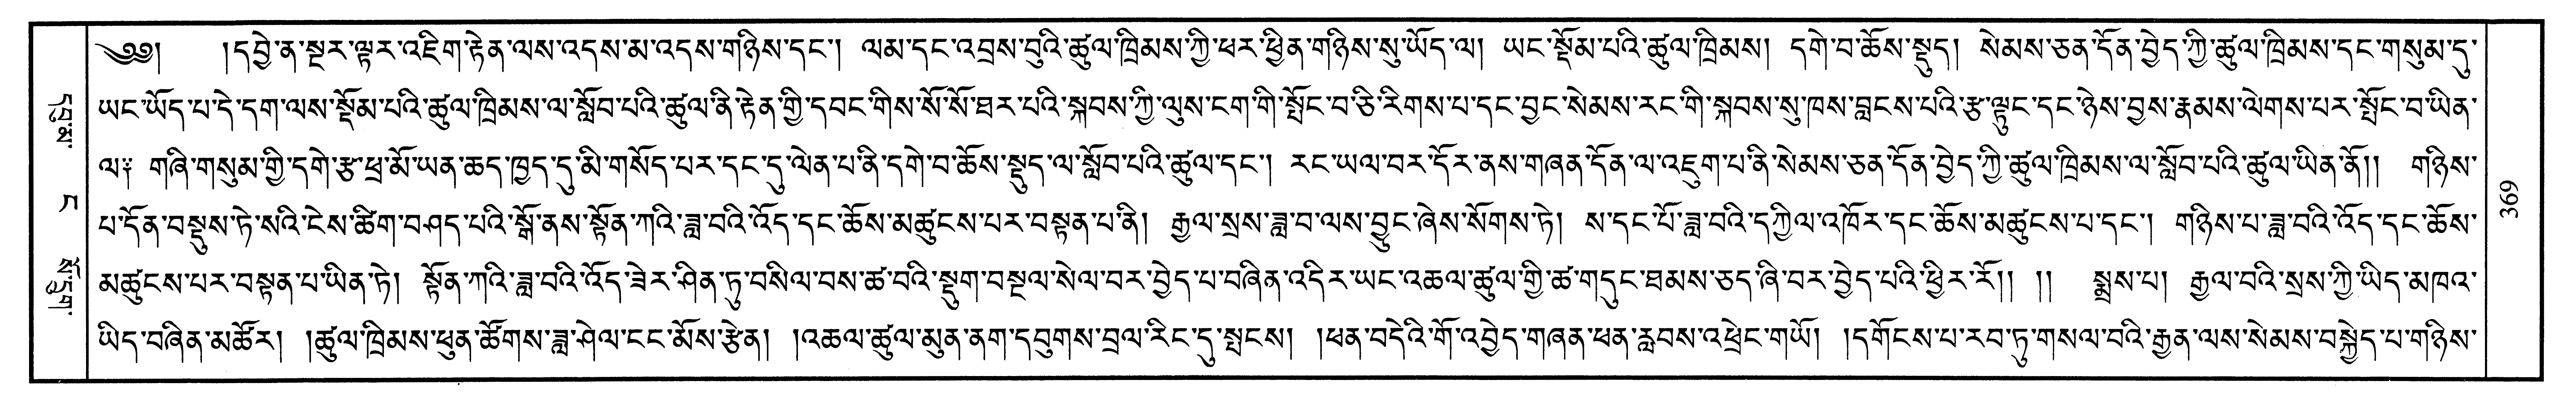༄༅། །དབྱེ་ན་སྔར་ལྟར་འཇིག་རྟེན་ལས་འདས་མ་འདས་གཉིས་དང་། ལམ་དང་འབྲས་བུའི་ཚུལ་ཁྲིམས་ཀྱི་ཕར་ཕྱིན་གཉིས་སུ་ཡོད་ལ། ཡང་སྡོམ་པའི་ཚུལ་ཁྲིམས། དགེ་བ་ཆོས་སྡུད། སེམས་ཅན་དོན་བྱེད་ཀྱི་ཚུལ་ཁྲིམས་དང་གསུམ་དུ་
ཡང་ཡོད་པ་དེ་དག་ལས་སྡོམ་པའི་ཚུལ་ཁྲིམས་ལ་སློབ་པའི་ཚུལ་ནི་རྟེན་གྱི་དབང་གིས་སོ་སོ་ཐར་པའི་སྐབས་ཀྱི་ལུས་ངག་གི་སྤོང་བ་ཅི་རིགས་པ་དང་བྱང་སེམས་རང་གི་སྐབས་སུ་ཁས་བླངས་པའི་རྩ་ལྟུང་དང་ཉེས་བྱས་རྣམས་ལེགས་པར་སྤོང་བ་ཡིན་
ལ༑ གཞི་གསུམ་གྱི་དགེ་རྩ་ཕྲ་མོ་ཡན་ཆད་ཁྱད་དུ་མི་གསོད་པར་དང་དུ་ལེན་པ་ནི་དགེ་བ་ཆོས་སྡུད་ལ་སློབ་པའི་ཚུལ་དང་། རང་ཡལ་བར་དོར་ནས་གཞན་དོན་ལ་འཇུག་པ་ནི་སེམས་ཅན་དོན་བྱེད་ཀྱི་ཚུལ་ཁྲིམས་ལ་སློབ་པའི་ཚུལ་ཡིན་ནོ།། གཉིས་
པ་དོན་བསྡུས་ཏེ་སའི་ངེས་ཚིག་བཤད་པའི་སྒོ་ནས་སྒོ་ནས་སྟོན་ཀའི་ཟླ་བའི་འོད་དང་ཆོས་མཚུངས་པར་བསྟན་པ་ནི། རྒྱལ་སྲས་ཟླ་བ་ལས་བྱུང་ཞེས་སོགས་ཏེ། ས་དང་པོ་ཟླ་བའི་དཀྱིལ་འཁོར་དང་ཆོས་མཚུངས་པ་དང་། གཉིས་པ་ཟླ་བའི་འོད་དང་ཆོས་
མཚུངས་པར་བསྟན་པ་ཡིན་ཏེ། སྟོན་ཀའི་ཟླ་བའི་འོད་ཟེར་ཤིན་ཏུ་བསིལ་བས་ཚ་བའི་སྡུག་བསྔལ་སེལ་བར་བྱེད་པ་བཞིན་འདིར་ཡང་འཆལ་ཚུལ་གྱི་ཚ་གདུང་ཐམས་ཅད་ཞི་བར་བྱེད་པའི་ཕྱིར་རོ།། །།སྨྲས་པ། རྒྱལ་བའི་སྲས་ཀྱི་ཡིད་མཁའ་
ཡིད་བཞིན་མཚོར། །ཚུལ་ཁྲིམས་ཕུན་ཚོགས་ཟླ་ཤེལ་ངང་མོས་རྩེན། །འཆལ་ཚུལ་མུན་ནག་དབུགས་བྲལ་རིང་དུ་སྤངས། །ཕན་བདེའི་གོ་འབྱེད་གཞན་ཕན་རླབས་འཕྲེང་གཡོ། །དགོངས་པ་རབ་ཏུ་གསལ་བའི་རྒྱན་ལས་སེམས་བསྐྱེད་པ་གཉིས་